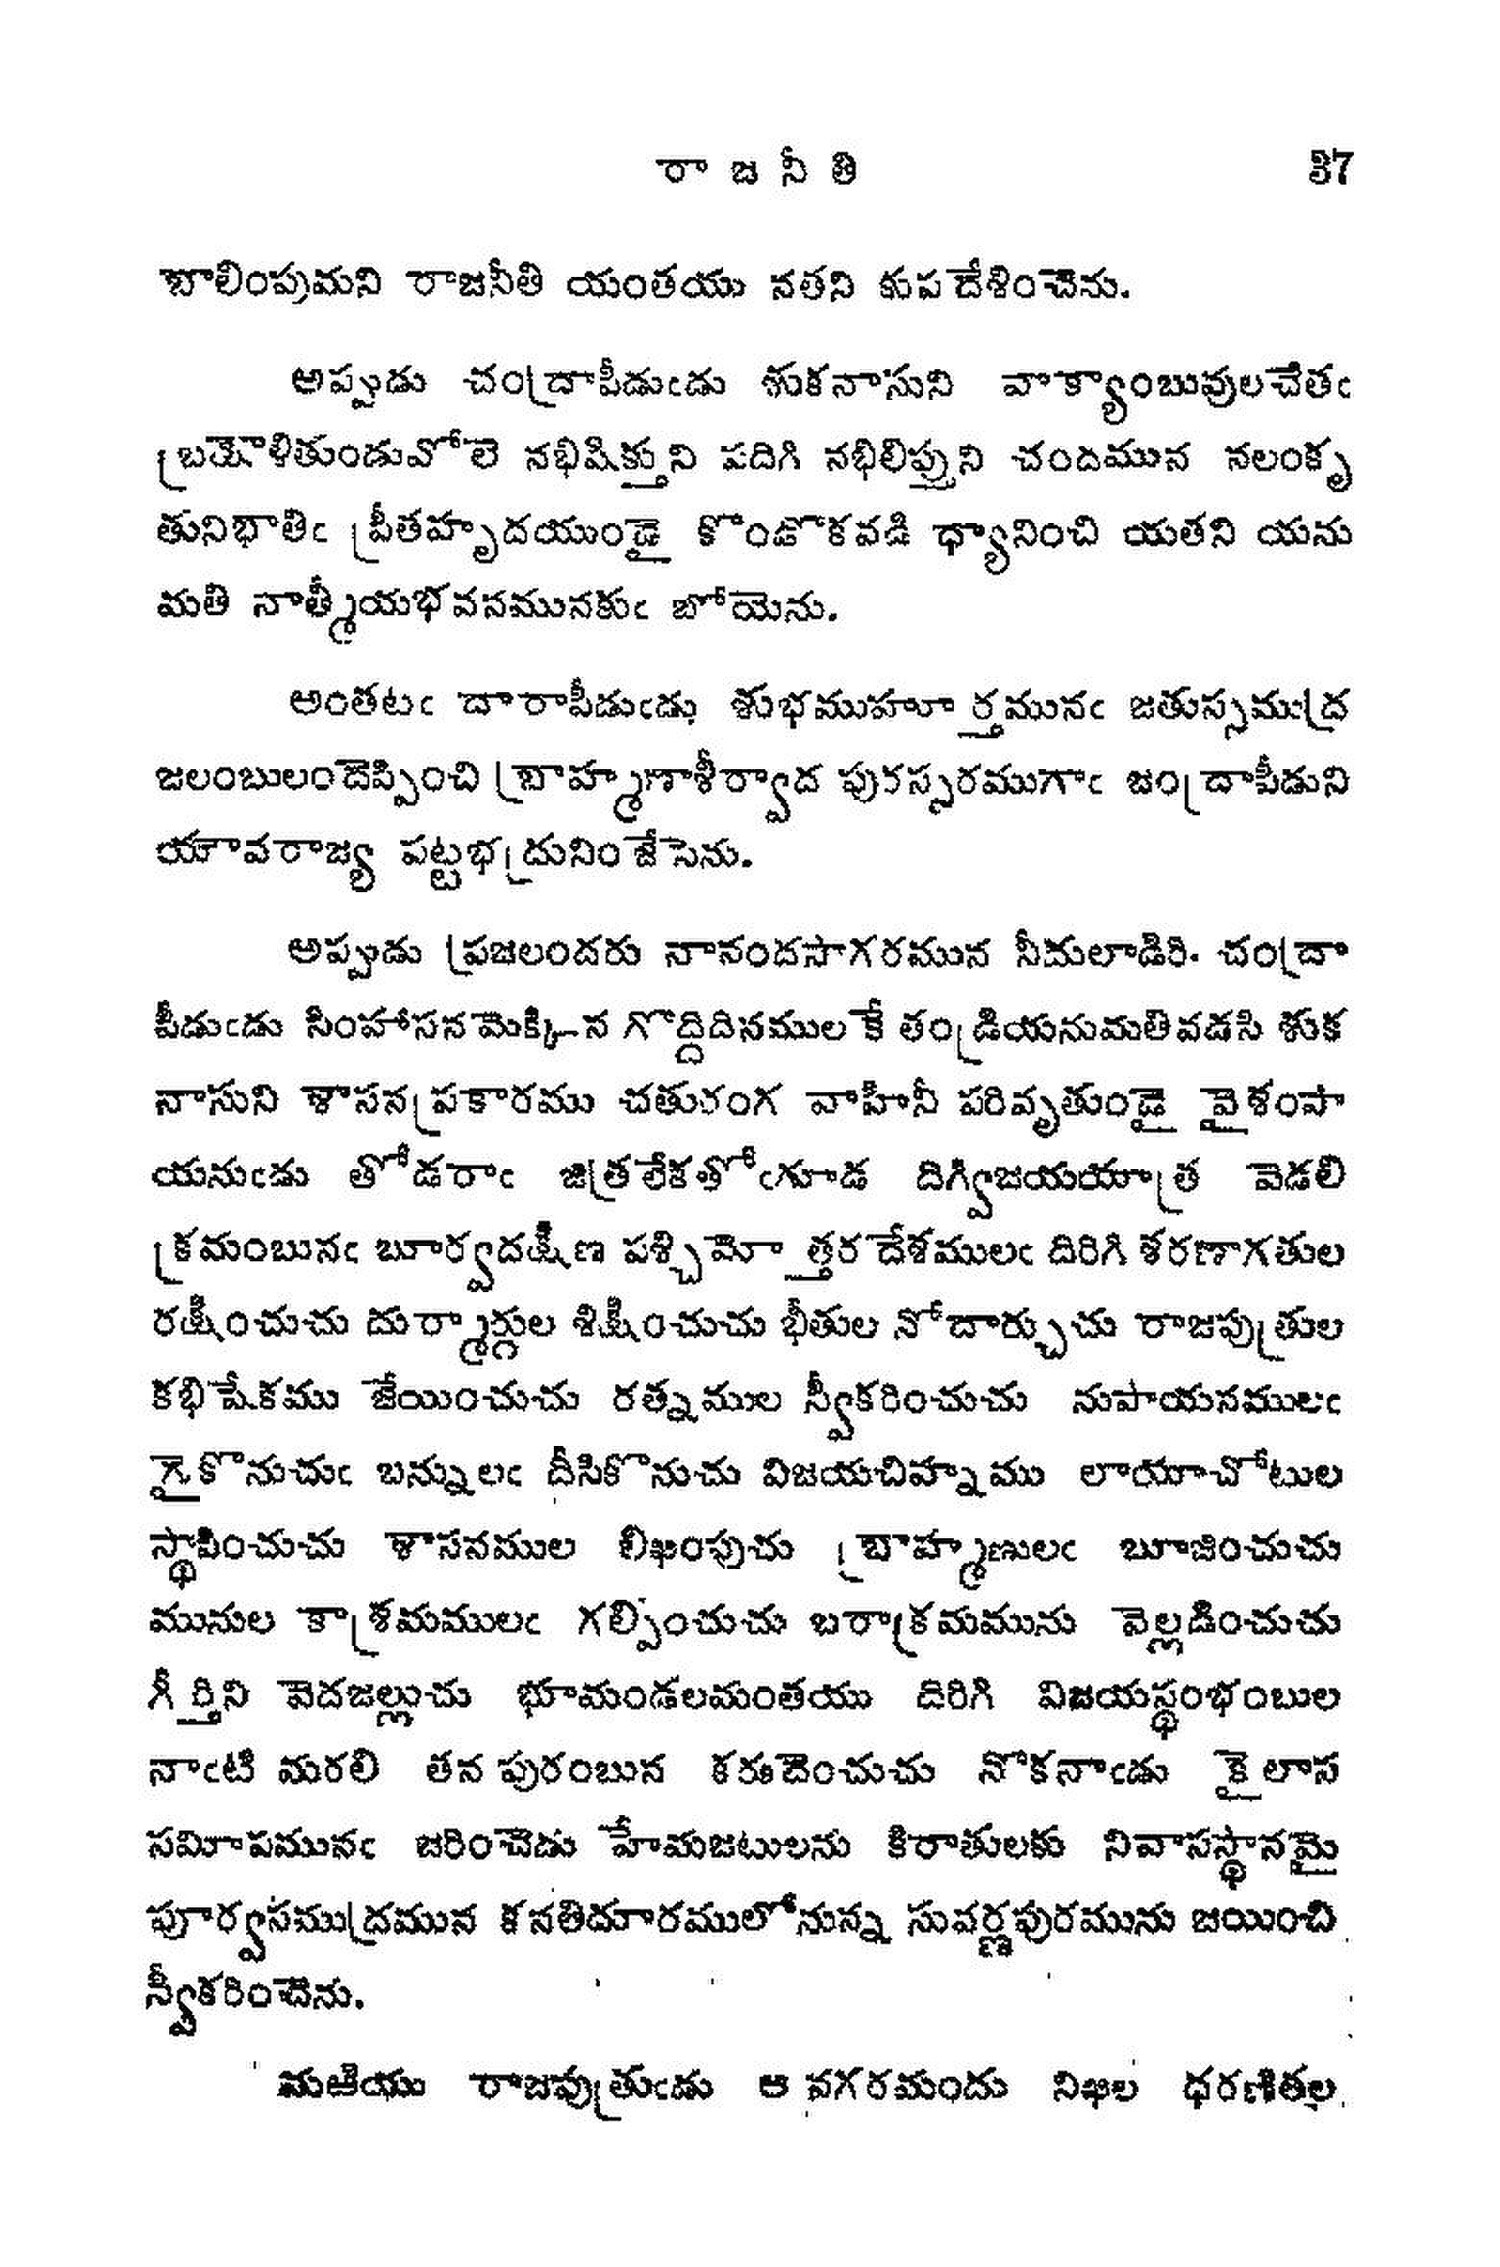బాలింపుమని రాజనీతి యంతయు నతని కుపదేశించెను.

అప్పుడు చంద్రాపీడుఁడు శుకనాసుని వాక్యాంబువులచేతఁ బ్రక్షాళితుండువోలె నభిషిక్తుని పదిగి నభిలిప్తుని చందమున నలంకృతునిభాతిఁ ప్రీతహృదయుండై కొండొకవడి ధ్యానించి యతని యనుమతి నాత్మీయభవనమునకుఁ బోయెను.

అంతటఁ దారీపీడుఁడు శుభముహూర్తమునఁ జతుస్సముద్ర జలంబులందెప్పించి బ్రాహ్మణాశీర్వాద పురస్సరముగాఁ జంద్రాపీడుని యౌవరాజ్య పట్టభద్రునింజేసెను.

అప్పుడు ప్రజలందరు నానందసాగరమున నీదులాడిరి. చంద్రాపీడుఁడు సింహాసనమెక్కిన గొద్దిదినముల కే తండ్రియనుమతివడసి శుకనాసుని శాసనప్రకారము చతురంగ వాహినీ పరివృతుండై వైశంపాయనుఁడు తోడరాఁ జిత్రలేకతోఁగూడ దిగ్విజయయాత్ర వెడలి క్రమంబునఁ బూర్వదక్షిణ పశ్చిమోత్తరదేశములఁ దిరిగి శరణాగతుల రక్షించుచు దుర్మార్గుల శిక్షించుచు భీతుల నోదార్చుచు రాజపుత్రుల కభిషేకము జేయించుచు రత్నముల స్వీకరించుచు నుపాయనములఁ గైకొనుచుఁ బన్నులఁ దీసికొనుచు విజయచిహ్నము లాయాచోటుల స్థాపించుచు శాసనముల లిఖింపుచు బ్రాహ్మణులఁ బూజించుచు మునుల కాశ్రమములఁ గల్పించుచు బరాక్రమమును వెల్లడించుచు గీర్తిని వెదజల్లుచు భూమండలమంతయు దిరిగి విజయస్థంభంబుల నాఁటి మరలి తన పురంబున కరుదెంచుచు నొకనాఁడు కైలాస సమీపమునఁ జరించెడు హేమజటులను కిరాతులకు నివాసస్థానమై పూర్వసముద్రమున కనతిదూరములోనున్న సువర్ణపురమును జయించి స్వీకరించెను.

మఱియు రాజపుత్రుఁడు ఆ నగరమందు నిఖిల ధరణితల